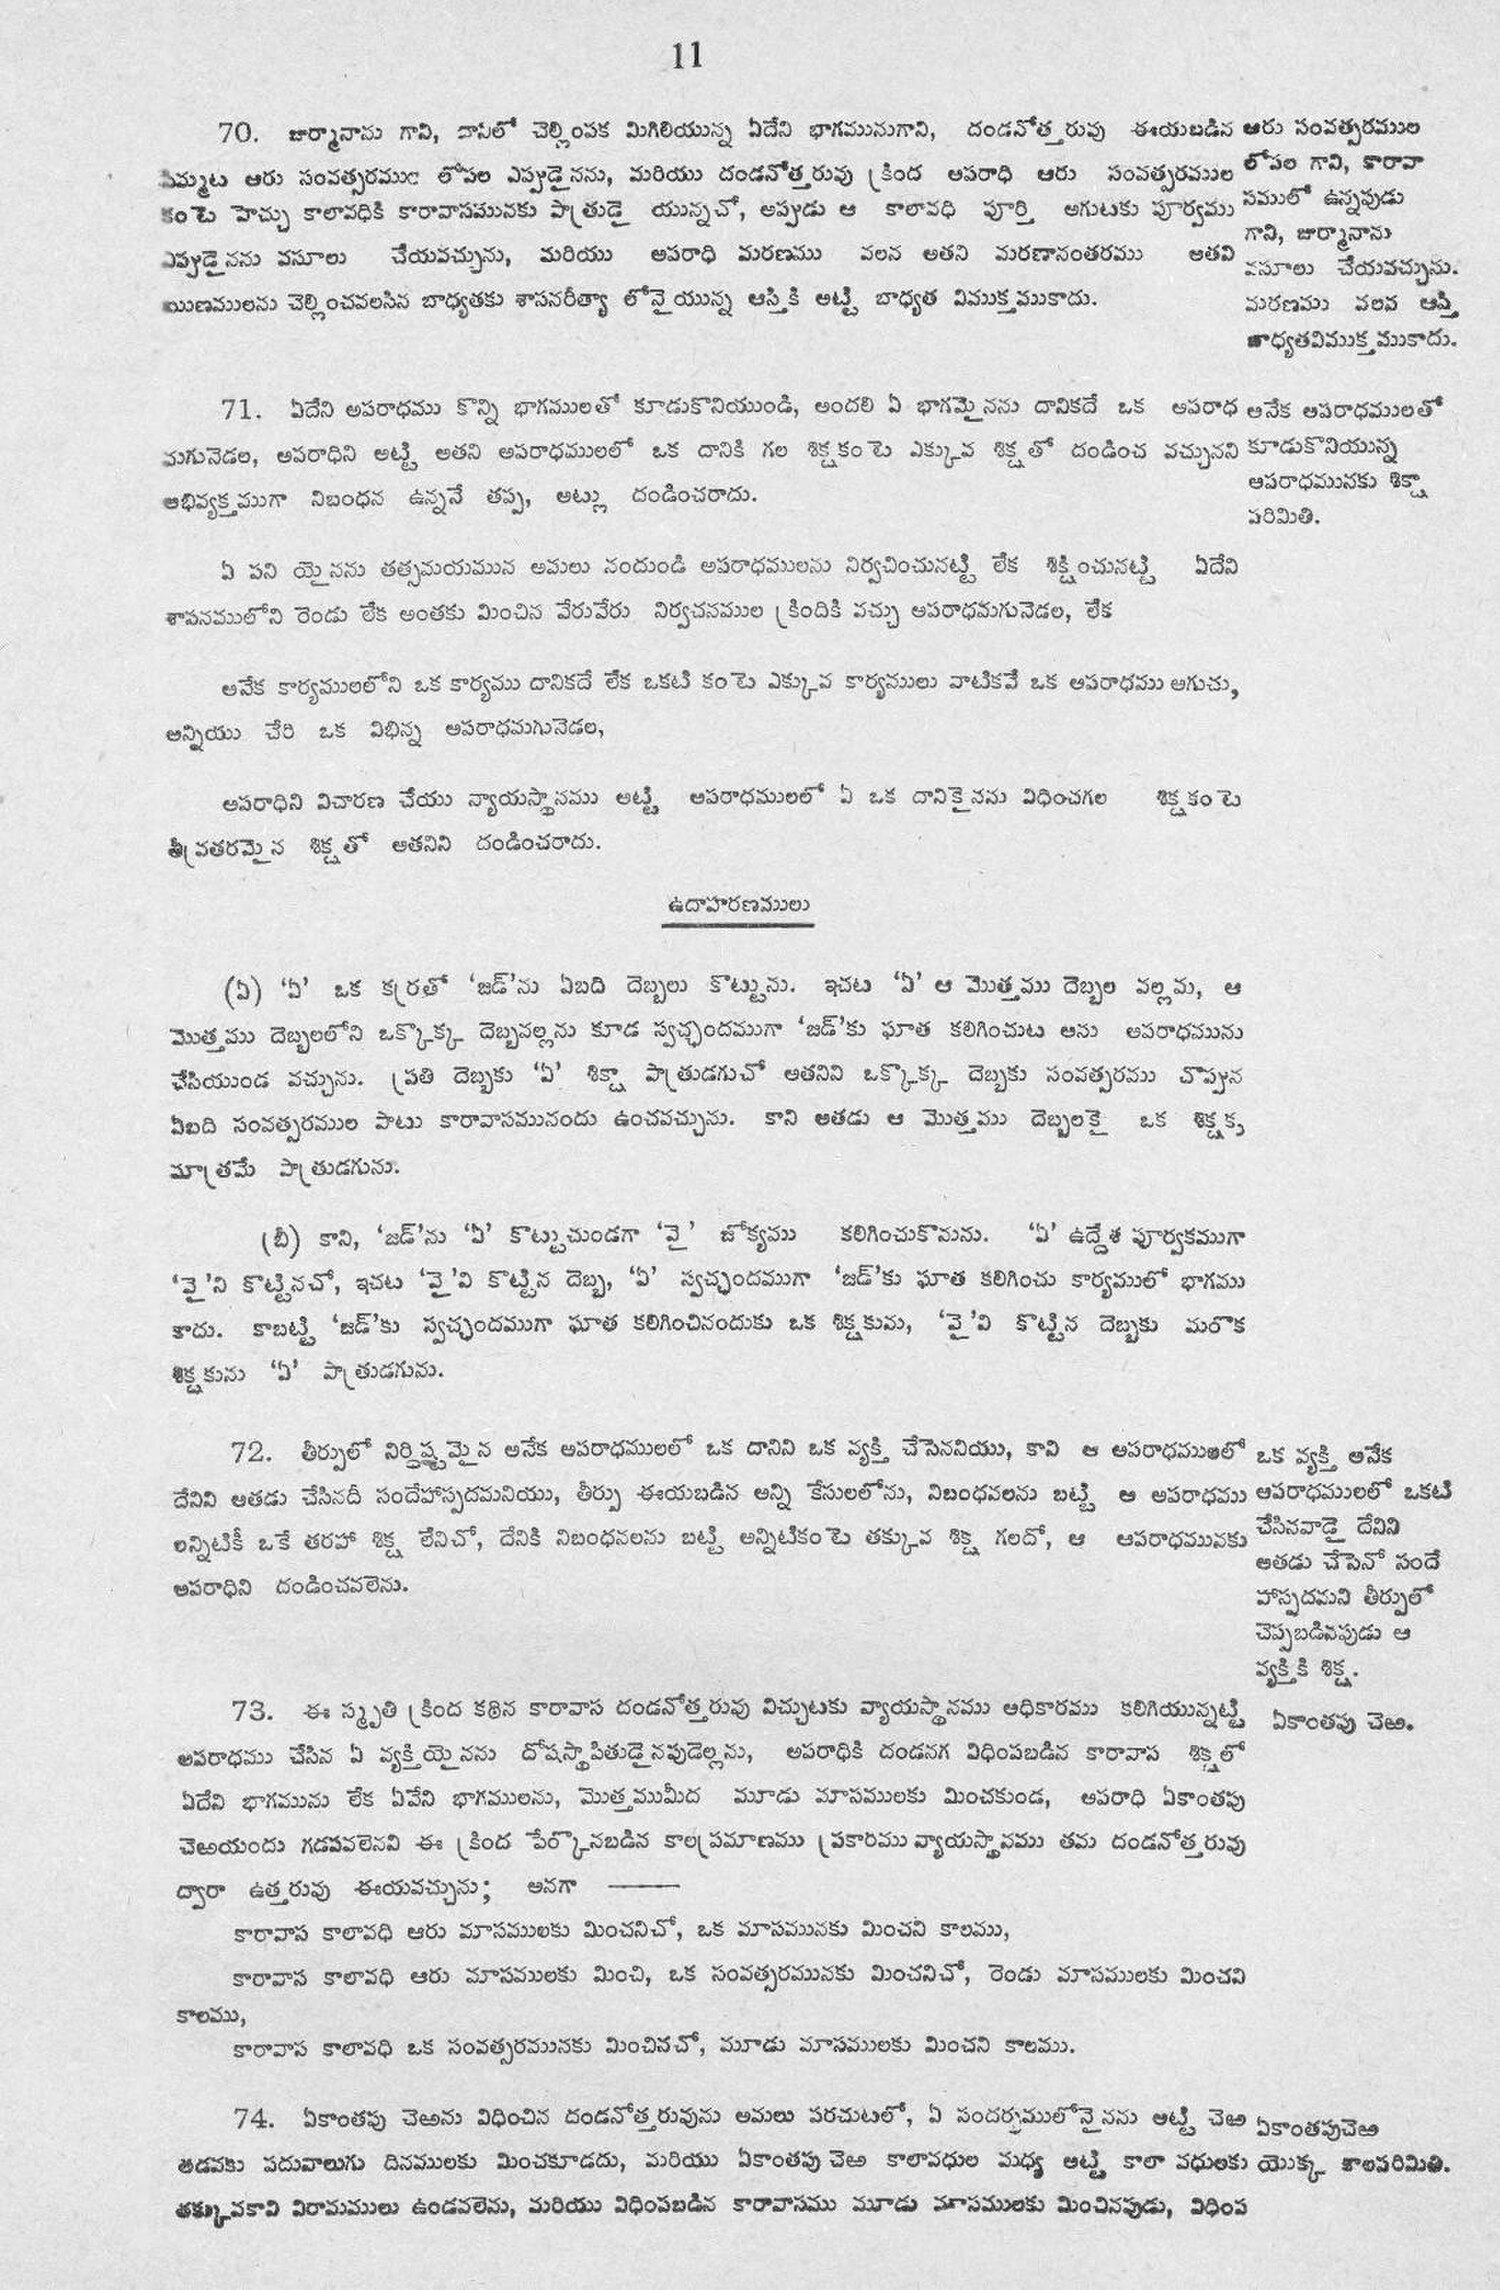ఆరు సంవత్సరముల లోపల గాని, కారావాసములో ఉన్నపుడుగాని, జుర్మానాను వసూలు చేయవచ్చును. మరణము వలన ఆస్తి బాధ్యతవిముక్తముకాదు.

70. జుర్మానాను గాని, దానిలో చెల్లింపక మిగిలియున్న ఏదేని భాగమునుగాని, దండనోత్తరువు ఈయబడిన పిమ్మట ఆరు సంవత్సరముల లోపల ఎప్పుడైనను, మరియు దండనోత్తరువు క్రింద అపరాధి ఆరు సంవత్సరముల కంటె హెచ్చు కాలావధికి కారావాసమునకు పాత్రుడై యున్నచో, అప్పుడు ఆ కాలావధి పూర్తి అగుటకు పూర్వము ఎప్పుడైనను వసూలు చేయవచ్చును, మరియు అపరాధి మరణము వలన అతని మరణానంతరము అతని ఋణములను చెల్లించవలసిన బాధ్యతకు శాసనరీత్యా లోనై యున్న ఆస్తికి అట్టి బాధ్యత విముక్తముకాదు.

అనేక అపరాధములతో కూడుకొనియున్న ఆపరాధమునకు శిక్షా పరిమితి.

71. ఏదేని అపరాధము కొన్ని భాగములతో కూడుకొనియుండి, అందలి ఏ భాగమైనను దానికదే ఒక అపరాధ మగునెడల, అపరాధిని అట్టి అతని అపరాధములలో ఒక దానికి గల శిక్ష కంటే ఎక్కువ శిక్షతో దండించ వచ్చునని 
అభివ్యక్తముగా నిబంధన ఉన్ననే తప్ప, అట్లు దండించరాదు.

ఏ పని యైనను తత్సమయమున అములు నందుండి అపరాధములను నిర్వచించునట్టి లేక శిక్షించునట్టి ఏదేని
శాసనములోని రెండు లేక అంతకు మించిన వేరువేరు నిర్వచనముల క్రిందికి వచ్చు ఆపరాధమగు నెడల, లేక

అనేక కార్యములలోని ఒక కార్యము దానికదే లేక ఒకటి కంటే ఎక్కువ కార్యములు వాటికవే ఒక అపరాధము అగుచు,
అన్నియు చేరి ఒక విభిన్న అపరాధమగునెడల,

అపరాధిని విచారణ చేయు న్యాయస్థానము అట్టి అపరాధములలో ఏ ఒక దానికై నను విధించగల శిక్ష కంటె
తీవ్రతరమైన శిక్షతో అతనిని దండించరాదు.

(ఏ) 'ఏ' ఒక కర్రతో 'జడ్'ను ఏబది దెబ్బలు కొట్టును. ఇచట 'ఏ' ఆ మొత్తము దెబ్బల వల్లమ, ఆ మొత్తము దెబ్బలలోని ఒక్కొక్క దెబ్బవల్లను కూడ స్వచ్ఛందముగా 'జడ్'కు ఘాత కలిగించుట అను అపరాధమును చేసియుండ వచ్చును. ప్రతి దెబ్బకు 'ఏ' శిక్షా పాత్రుడగుచో అతనిని ఒక్కొక్క దెబ్బకు సంవత్సరము చొప్పున ఏబది సంవత్సరముల పాటు కారావాసమునందు ఉంచవచ్చును. కాని అతడు ఆ మొత్తము దెబ్బలకై ఒక శిక్షకు మాత్రమే పాత్రుడగును.

(బి) కాని, 'జడ్'ను 'ఏ' కొట్టుచుండగా 'వై' జోక్యము కలిగించుకొనును.'ఏ' ఉద్దేశ పూర్వకముగా 'వై'ని కొట్టినచో, ఇచట 'వై'ని కొట్టిన దెబ్బ, 'ఏ' స్వచ్ఛందముగా 'జడ్'కు ఘాత కలిగించు కార్యములో భాగము కాదు. కాబట్టి 'జడ్'కు స్వచ్ఛందముగా ఘాత కలిగించినందుకు ఒక శిక్షకును, 'వై'ని కొట్టిన దెబ్బకు మరొక శిక్టకును 'ఏ' పాత్రుడగును.

ఒక వ్యక్తి అనేక ఆపరాధములలో ఒకటి చేసినవాడై దేనిని అతడు చేసెనో సందేహాస్పదమని తీర్పులో చెప్పబడినపుడు ఆ వ్యక్తి కి శిక్ష.

72. తీర్పులో నిర్దిష్టమైన అనేక అపరాధములలో ఒక దానిని ఒక వ్యక్తి చేసెననియు, కాని ఆ అపరాధములలో 
దేనిని అతడు చేసినదీ సందేహాస్పదమనియు, తీర్పు ఈయబడిన అన్ని కేసులలోను, నిబంధనలను బట్టి ఆ అపరాధము అన్నిటికీ ఒకే తరహా శిక్ష లేనిచో, దేనికి నిబంధనలను బట్టి అన్నిటికంటే తక్కువ శిక్ష గలదో, ఆ ఆపరాధమునకు అపరాధిని దండించవలెను.

ఏకాంతపు చెఱ.

73. ఈ స్మృతి క్రింద కఠిన కారావాస దండనోత్తరువు విచ్చుటకు న్యాయస్థానము అధికారము కలిగియున్నట్టి అపరాధము చేసిన ఏ వ్యక్తియైనను దోషస్థాపితుడై నపుడెల్లను, అపరాధికి దండనగ విధింపబడిన కారావాస శిక్షలో ఏదేని భాగమును లేక ఏవేని భాగములను, మొత్తముమీద మూడు మాసములకు మించకుండ, అపరాధి ఏకాంతపు చెఱయందు గడపవలెనని ఈ క్రింద పేర్కొనబడిన కాల ప్రమాణము ప్రకారము న్యాయస్థానము తమ దండనోత్తరువు ద్వారా ఉత్తరువు ఈయవచ్చును; అనగా———

కారావాస కాలావధి ఆరు మాసములకు మించనిచో, ఒక మాసమునకు మించని కాలము,

కారావాస కాలావధి ఆరు మాసములకు మించి, ఒక సంవత్సరమునకు మించనిచో, రెండు మాసములకు మించని
కాలము,

కారావాస కాలావధి ఒక సంవత్సరమునకు మించినచో, మూడు మాసములకు మించని కాలము.

ఏకాంతపు చెఱ యొక్క కాలపరిమితి.

74. ఏకాంతపు చెఱను విధించిన దండనోత్తరువును అమలు పరచుటలో, ఏ సందర్భములోనైనను అట్టి చెఱ తడవకు పదునాలుగు దినములకు మించకూడదు, మరియు ఏకాంతపు చెఱ కాలావధుల మధ్య అట్టి కాలావధులకు తక్కువకాని విరామములు ఉండవలెను, మరియు విధింపబడిన కారావాసము మూడు మాసములకు మించినపుడు, విధింప